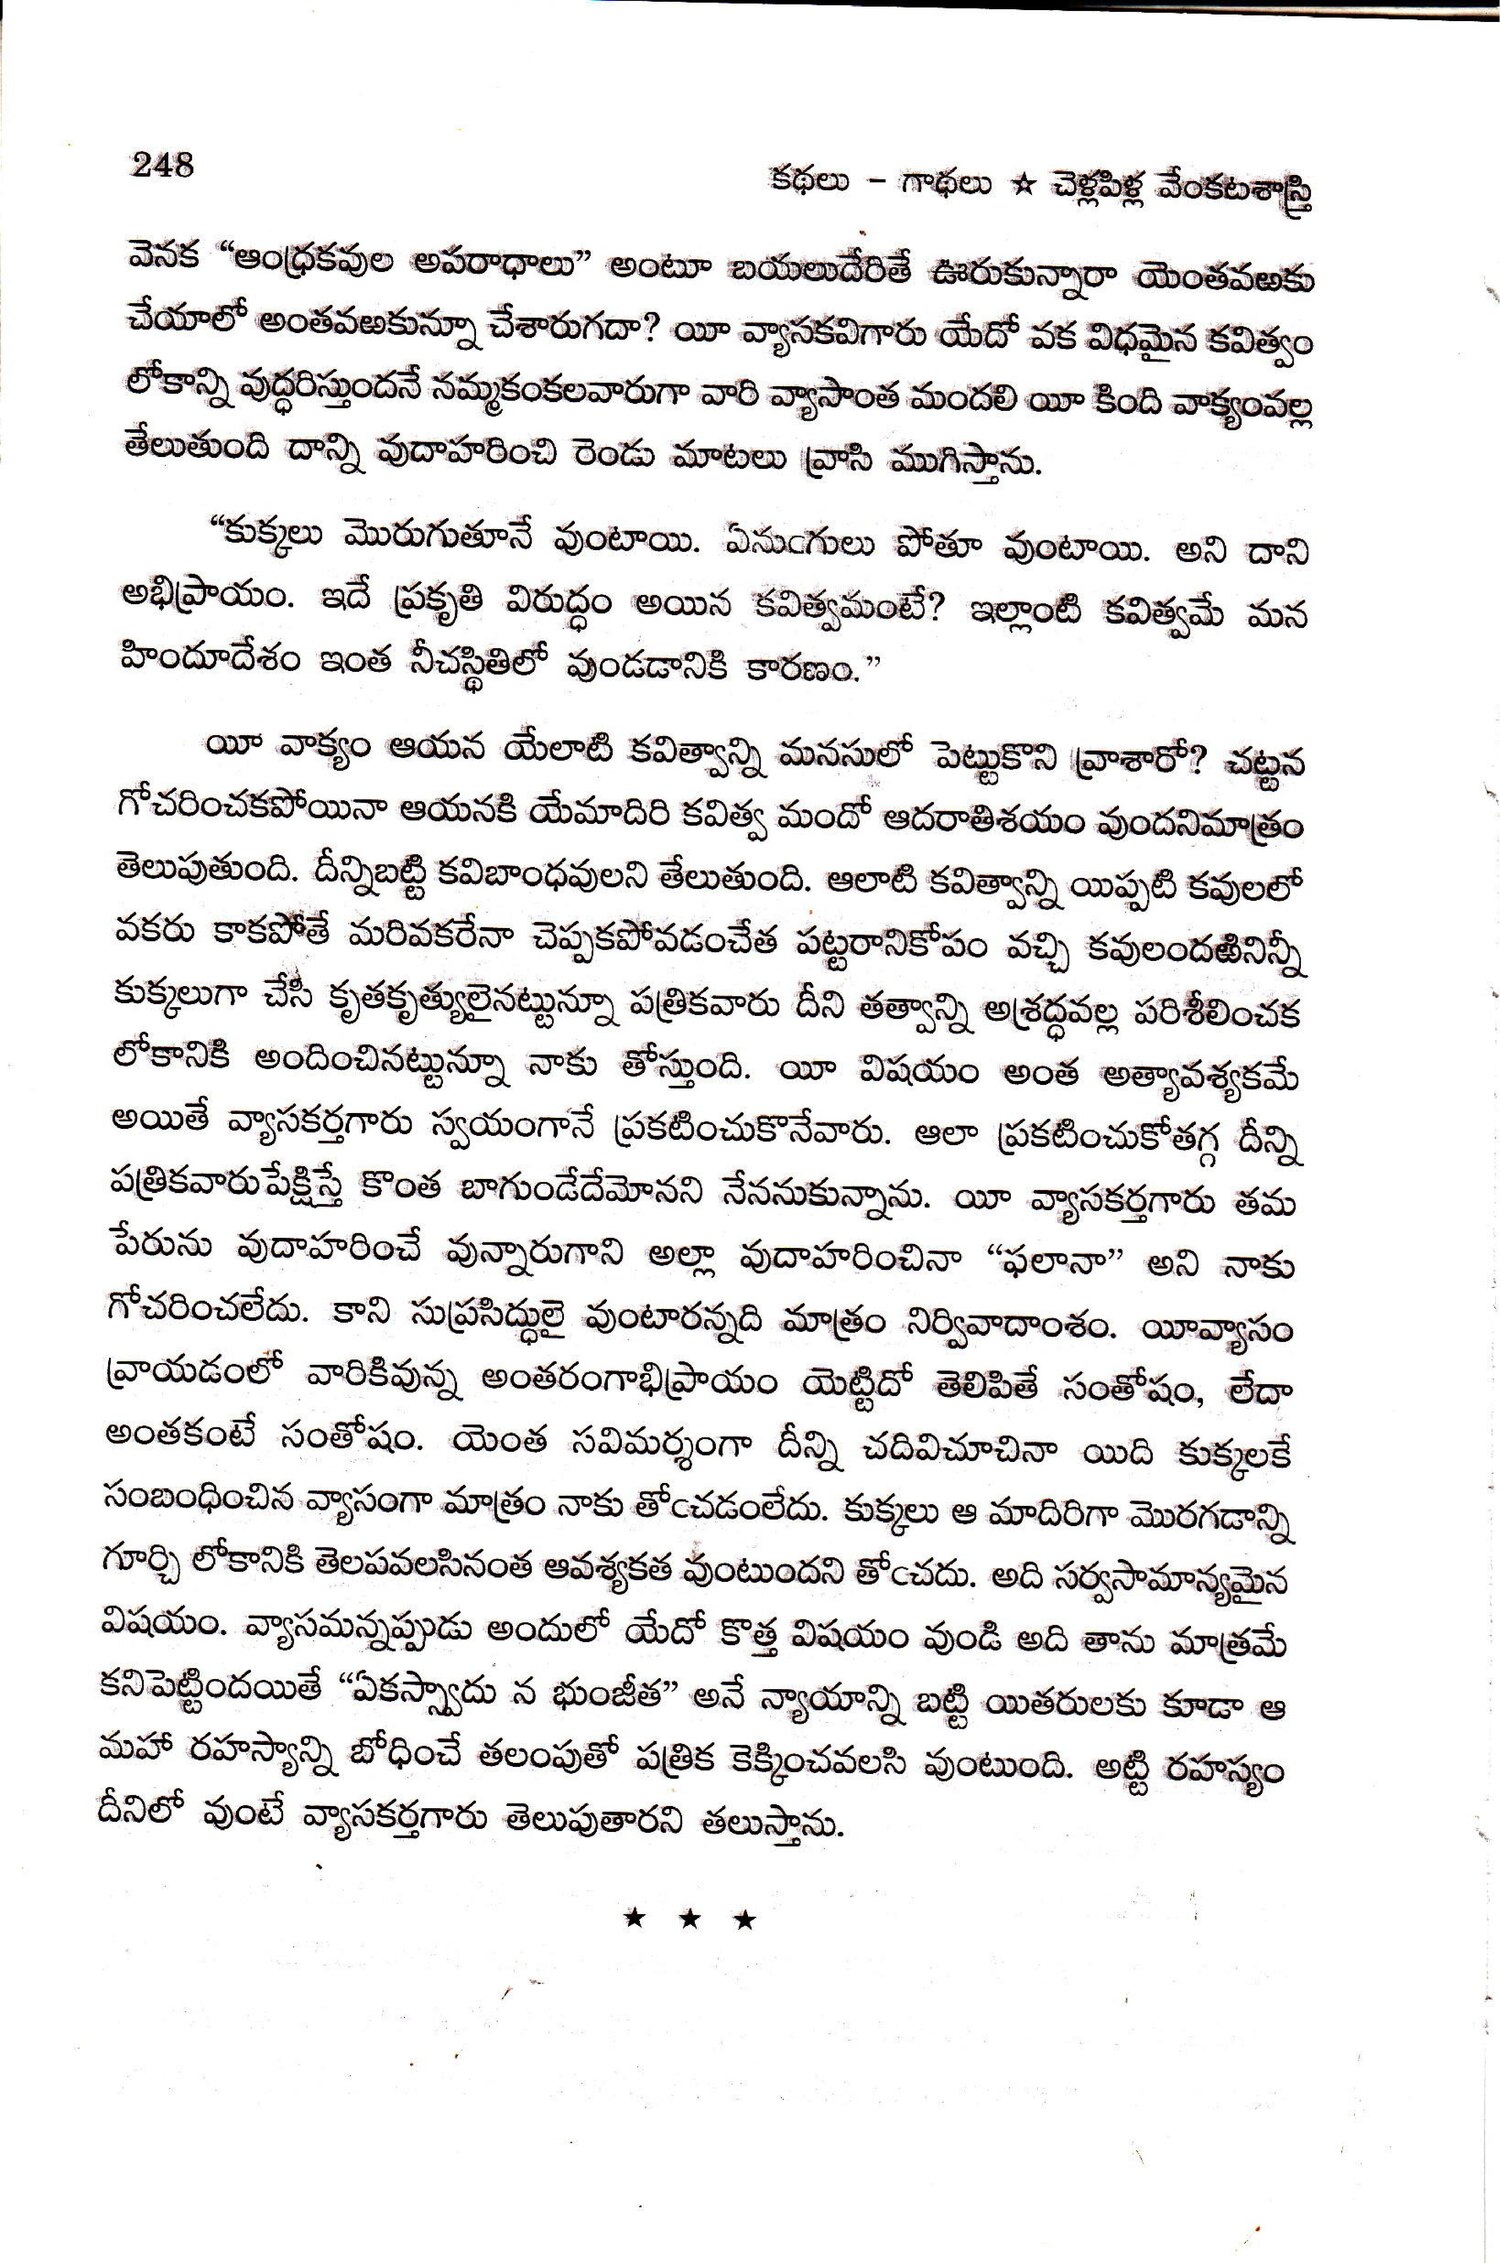వెనక “ఆంధ్రకవుల అపరాధాలు” అంటూ బయలుదేరితే ఊరుకున్నారా యెంతవఱకు చేయాలో అంతవఱకున్నూ చేశారుగదా? యీ వ్యాసకవిగారు యేదో వక విధమైన కవిత్వం లోకాన్ని వుద్ధరిస్తుందనే నమ్మకంకలవారుగా వారి వ్యాసాంత మందలి యీ కింది వాక్యంవల్ల తేలుతుంది దాన్ని వుదాహరించి రెండు మాటలు వ్రాసి ముగిస్తాను.

"కుక్కలు మొరుగుతూనే వుంటాయి. ఏనుఁగులు పోతూ వుంటాయి. అని దాని అభిప్రాయం. ఇదే ప్రకృతి విరుద్ధం అయిన కవిత్వమంటే? ఇల్లాంటి కవిత్వమే మన హిందూదేశం ఇంత నీచస్థితిలో వుండడానికి కారణం."

యీ వాక్యం ఆయన యేలాటి కవిత్వాన్ని మనసులో పెట్టుకొని వ్రాశారో? చట్టన గోచరించకపోయినా ఆయనకి యేమాదిరి కవిత్వ మందో ఆదరాతిశయం వుందనిమాత్రం తెలుపుతుంది. దీన్నిబట్టి కవిబాంధవులని తేలుతుంది. ఆలాటి కవిత్వాన్ని యిప్పటి కవులలో వకరు కాకపోతే మరివకరేనా చెప్పకపోవడంచేత పట్టరానికోపం వచ్చి కవులందఱినిన్నీ కుక్కలుగా చేసే కృతకృత్యులైనట్టున్నూ పత్రికవారు దీని తత్వాన్ని అశ్రద్ధవల్ల పరిశీలించక లోకానికి అందించినట్టున్నూ నాకు తోస్తుంది. యీ విషయం అంత అత్యావశ్యకమే అయితే వ్యాసకర్తగారు స్వయంగానే ప్రకటించుకొనేవారు. ఆలా ప్రకటించుకోతగ్గ దీన్ని పత్రికవారుపేక్షిస్తే కొంత బాగుండేదేమోనని నేననుకున్నాను. యీ వ్యాసకర్తగారు తమ పేరును వుదాహరించే వున్నారుగాని అల్లా వుదాహరించినా "ఫలానా" అని నాకు గోచరించలేదు. కాని సుప్రసిద్దులై వుంటారన్నది మాత్రం నిర్వివాదాంశం. యీవ్యాసం వ్రాయడంలో వారికివున్న అంతరంగాభిప్రాయం యెట్టిదో తెలిపితే సంతోషం, లేదా అంతకంటే సంతోషం. యెంత సవిమర్శంగా దీన్ని చదివిచూచినా యిది కుక్కలకే సంబంధించిన వ్యాసంగా మాత్రం నాకు తోcచడంలేదు. కుక్కలు ఆ మాదిరిగా మొరగడాన్ని గూర్చి లోకానికి తెలపవలసినంత అవశ్యకత వుంటుందని తోఁచదు. అది సర్వసామాన్యమైన విషయం. వ్యాసమన్నప్పుడు అందులో యేదో కొత్త విషయం వుండి అది తాను మాత్రమే కనిపెట్టిందయితే “ఏకస్స్వాదు న భుంజీత" అనే న్యాయాన్ని బట్టి యితరులకు కూడా ఆ మహా రహస్యాన్ని బోధించే తలంపుతో పత్రిక కెక్కించవలసి వుంటుంది. అట్టి రహస్యం దీనిలో వుంటే వ్యాసకర్తగారు తెలుపుతారని తలుస్తాను.